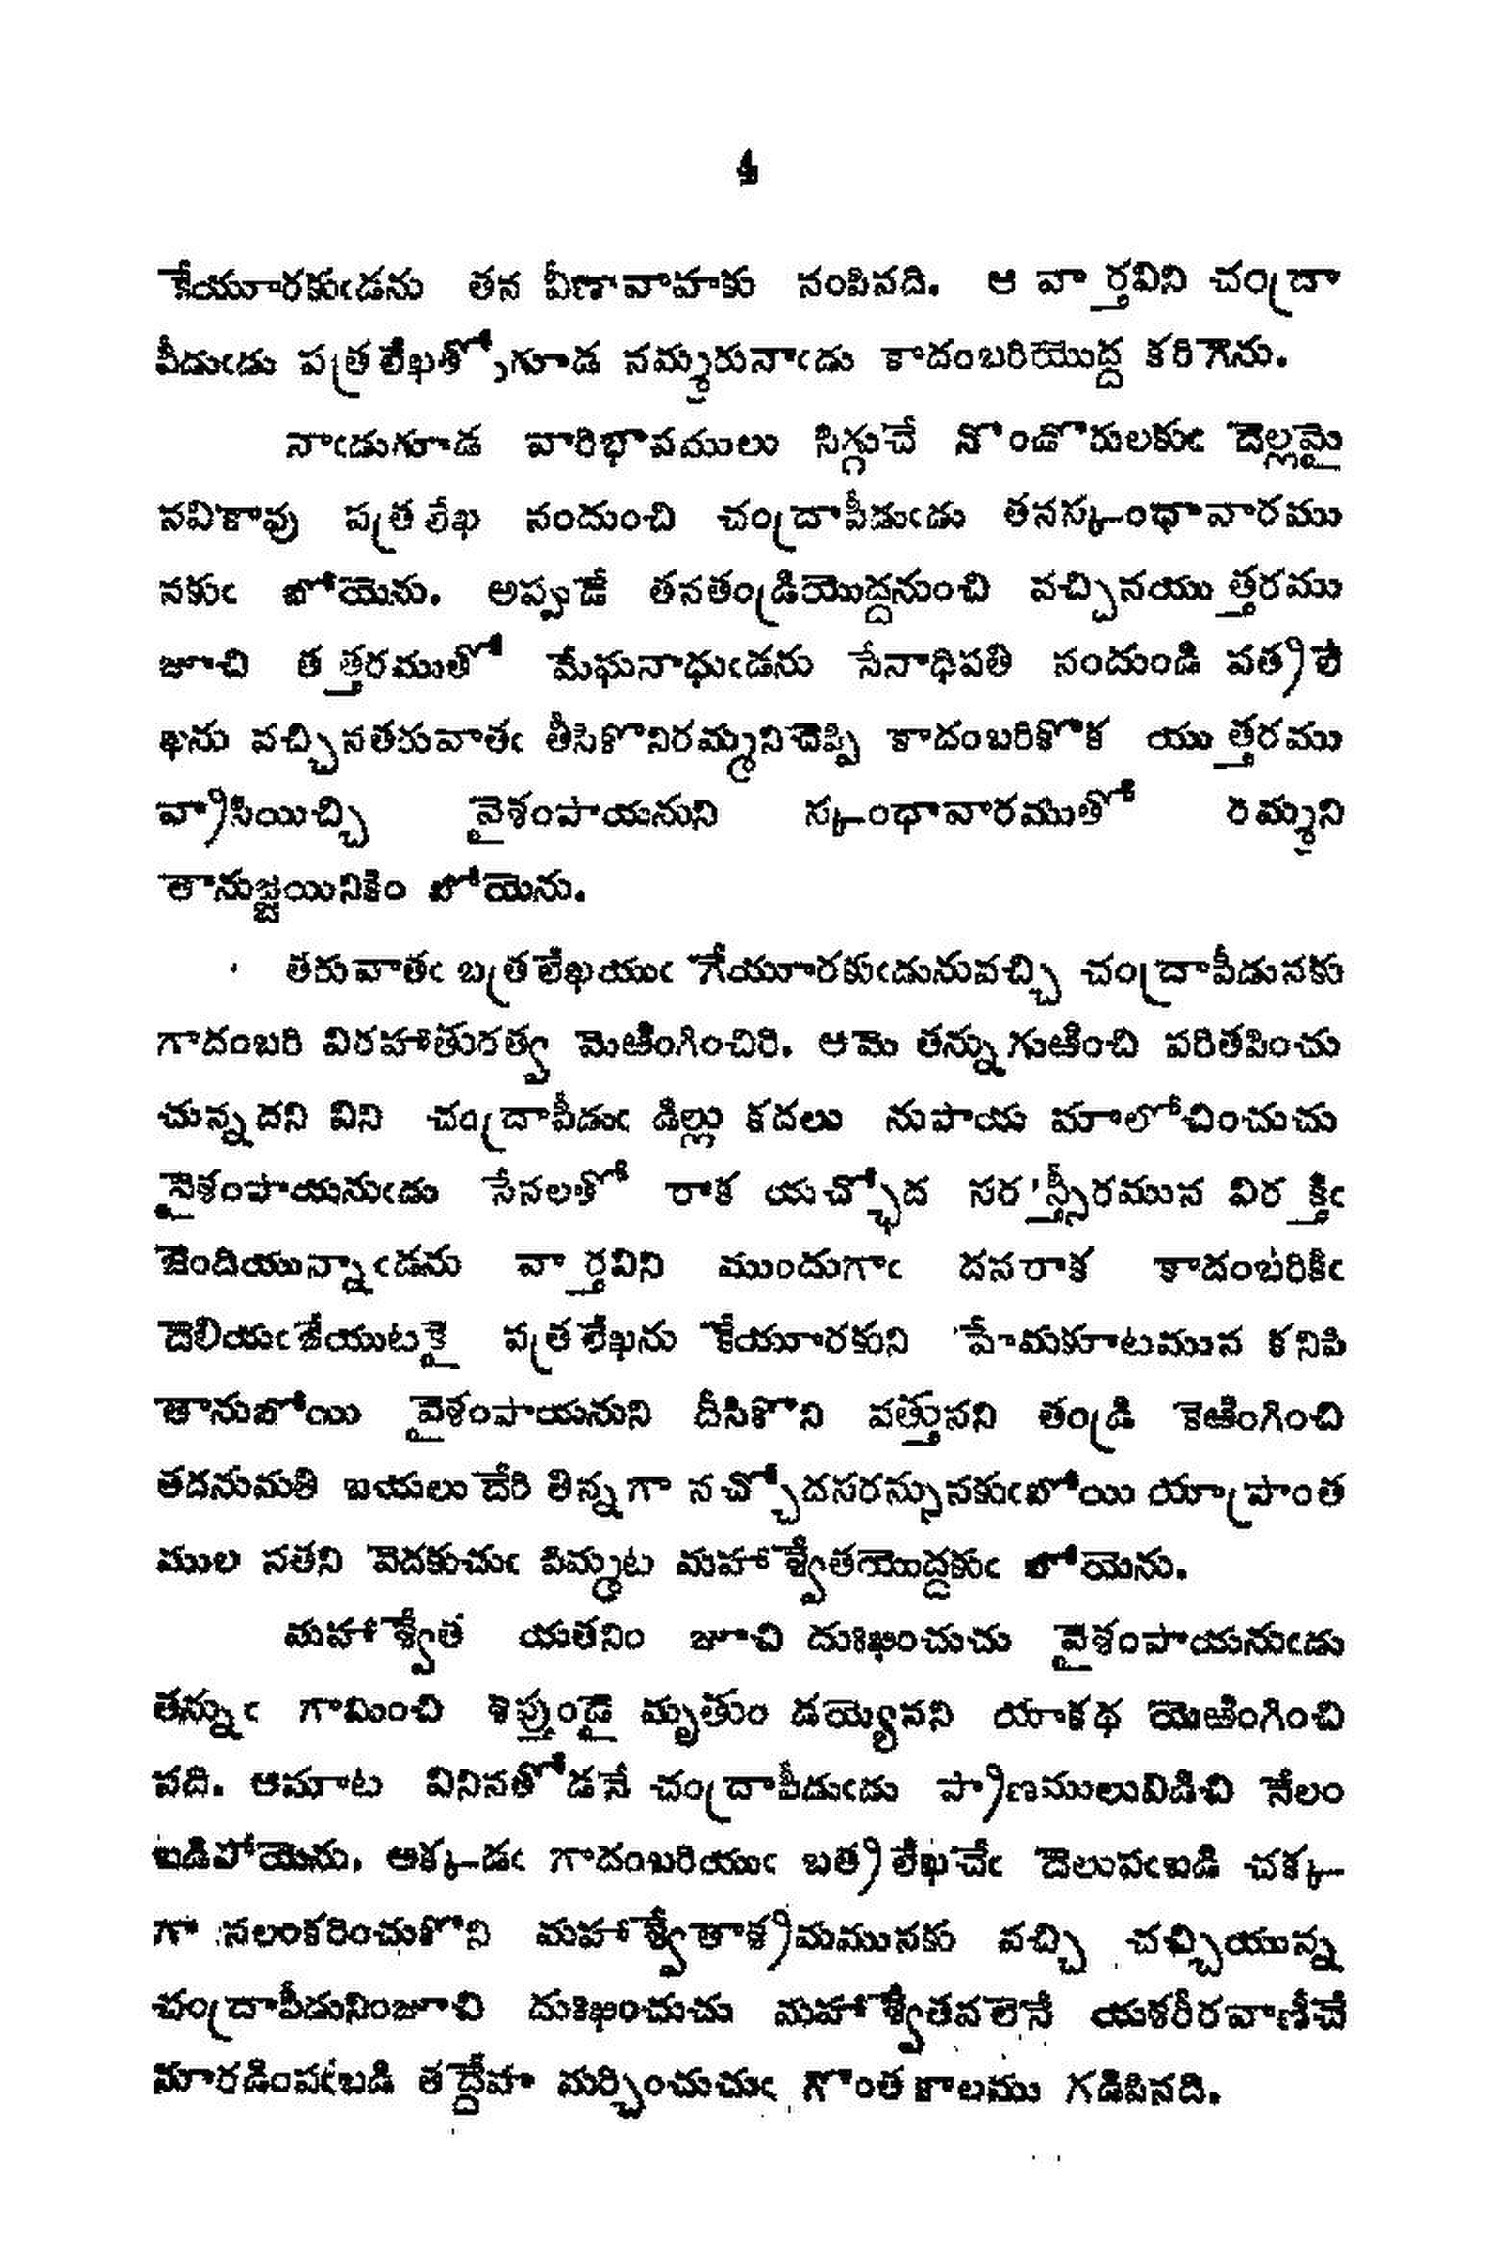కేయూరకుఁడను తన వీణావాహకు నంపినది. ఆ వార్తవిని చంద్రాపీడుఁడు పత్రలేఖతోఁగూడ నమ్మరునాఁడు కాదంబరియొద్ద కరిగెను.

నాఁడుగూడ వారిభావములు సిగ్గుచే నొండొరులకుఁ దెల్లమైనవికావు పత్రలేఖ నందుంచి చంద్రాపీడుఁడు తనస్కంధావారమునకుఁ బోయెను. అప్పుడే తనతండ్రియొద్దనుంచి వచ్చినయుత్తరము జూచి తత్తరముతో మేఘనాధుఁడను సేనాధిపతి నందుండి పత్రలేఖను వచ్చినతరువాతఁ తీసికొనిరమ్మనిచెప్పి కాదంబరికొక యుత్తరము వ్రాసియిచ్చి వైశంపాయనుని స్కంధావారముతో రమ్మని తానుజ్జయినికిం బోయెను.

తరువాతఁ బత్రలేఖయుఁ గేయూరకుఁడునువచ్చి చంద్రాపీడునకు గాదంబరి విరహాతురత్వ మెఱింగించిరి. ఆమె తన్నుగుఱించి పరితపించు చున్నదని విని చంద్రాపీడుఁ డిల్లు కదలు నుపాయ మాలోచించుచు వైశంపాయనుఁడు సేనలతో రాక యచ్ఛోద సర'స్త్సీరమున విరక్తిఁ జెందియున్నాఁడను వార్తవిని ముందుగాఁ దనరాక కాదంబరికిఁ దెలియఁజేయుటకై పత్రలేఖను కేయూరకుని హేమకూటమున కనిపి తానుబోయి వైశంపాయనుని దీసికొని వత్తునని తండ్రి కెఱింగించి తదనుమతి బయలుదేరి తిన్నగా నచ్చోదసరస్సునకుఁబోయి యాప్రాంతముల నతని వెదకుచుఁ పిమ్మట మహాశ్వేతయొద్దకుఁ బోయెను.

మహాశ్వేత యతనిం జూచి దుఃఖించుచు వైశంపాయనుఁడు తన్నుఁ గామించి శప్తుండై మృతుం డయ్యెనని యాకథ యెఱింగించినది. ఆమాట వినినతోడనే చంద్రాపీడుఁడు ప్రాణములువిడిచి నేలంబడిపోయెను. అక్కడఁ గాదంబరియుఁ బత్రలేఖచేఁ దెలుపఁబడి చక్కగా నలంకరించుకొని మహాశ్వేతాశ్రమమునకు వచ్చి చచ్చియున్న చంద్రాపీడునింజూచి దుఃఖించుచు మహాశ్వేతవలెనే యశరీరవాణీచే నూరడింపఁబడి తద్దేహ మర్చించుచుఁ గొంతకాలము గడిపినది.